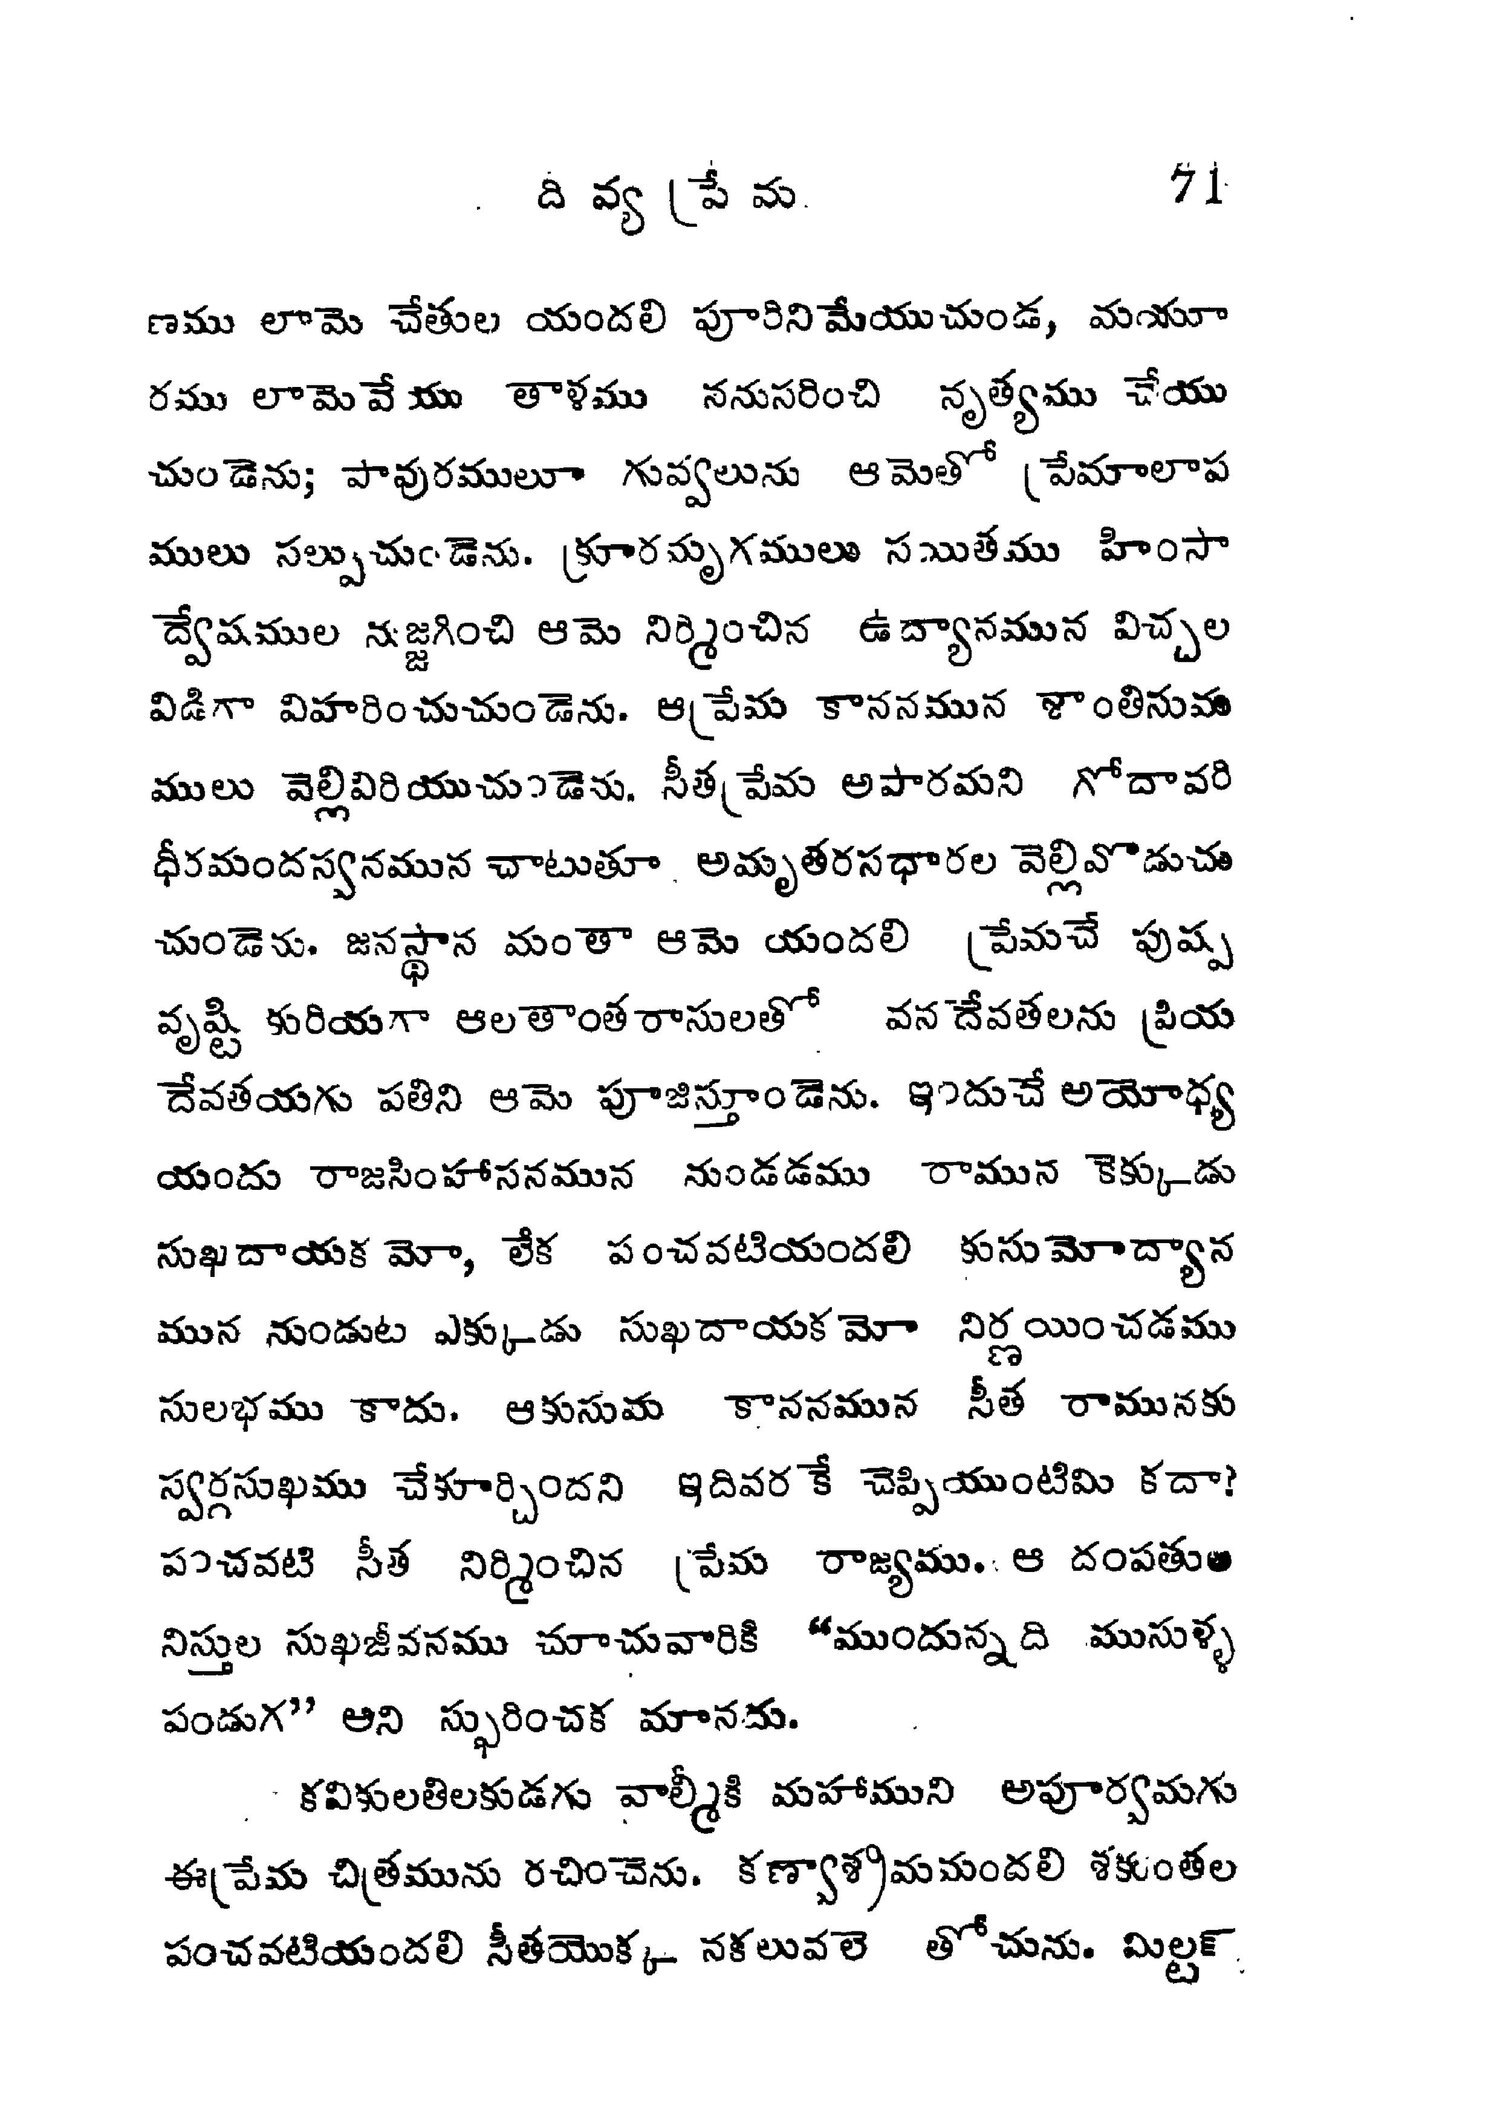ణము లామె చేతుల యందలి పూరినిమేయుచుండ, మయూరము లామెవేయు తాళము ననుసరించి నృత్యము చేయు చుండెను; పావురములూ గువ్వలును ఆమెతో ప్రేమాలాపములు సల్పుచుండెను. క్రూరమృగములు సయితము హింసా ద్వేషముల నుజ్జగించి ఆమె నిర్మించిన ఉద్యానమున విచ్చల విడిగా విహరించుచుండెను. ఆప్రేమ కాననమున శాంతిసుమములు వెల్లివిరియుచుండెను. సీతప్రేమ అపారమని గోదావరి ధీరమందస్వనమున చాటుతూ అమృతరసధారల వెల్లివొడుచు చుండెను. జనస్థాన మంతా ఆమె యందలి ప్రేమచే పుష్పవృష్టి కురియగా ఆలతాంతరాసులతో వనదేవతలను ప్రియ దేవతయగు పతిని ఆమె పూజిస్తూండెను. ఇందుచే అయోధ్య యందు రాజసింహాసనమున నుండడము రామున కెక్కుడు సుఖదాయక మో, లేక పంచవటియందలి కుసుమోద్యానమున నుండుట ఎక్కుడు సుఖదాయకమో నిర్ణయించడము సులభము కాదు. ఆకుసుమ కాననమున సీత రామునకు స్వర్గసుఖము చేకూర్చిందని ఇదివరకే చెప్పి యుంటిమి కదా? పంచవటి సీత నిర్మించిన ప్రేమ రాజ్యము. ఆ దంపతుల నిస్తుల సుఖజీవనము చూచువారికి "ముందున్నది ముసుళ్ళ పండుగ" అని స్ఫురించక మానదు.

కవికులతిలకుడగు వాల్మీకి మహాముని అపూర్వమగు ఈప్రేమ చిత్రమును రచించెను. కణ్వాశ్రమమందలి శకుంతల పంచవటియందలి సీతయొక్క నకలువలె తోచును. మిల్టన్